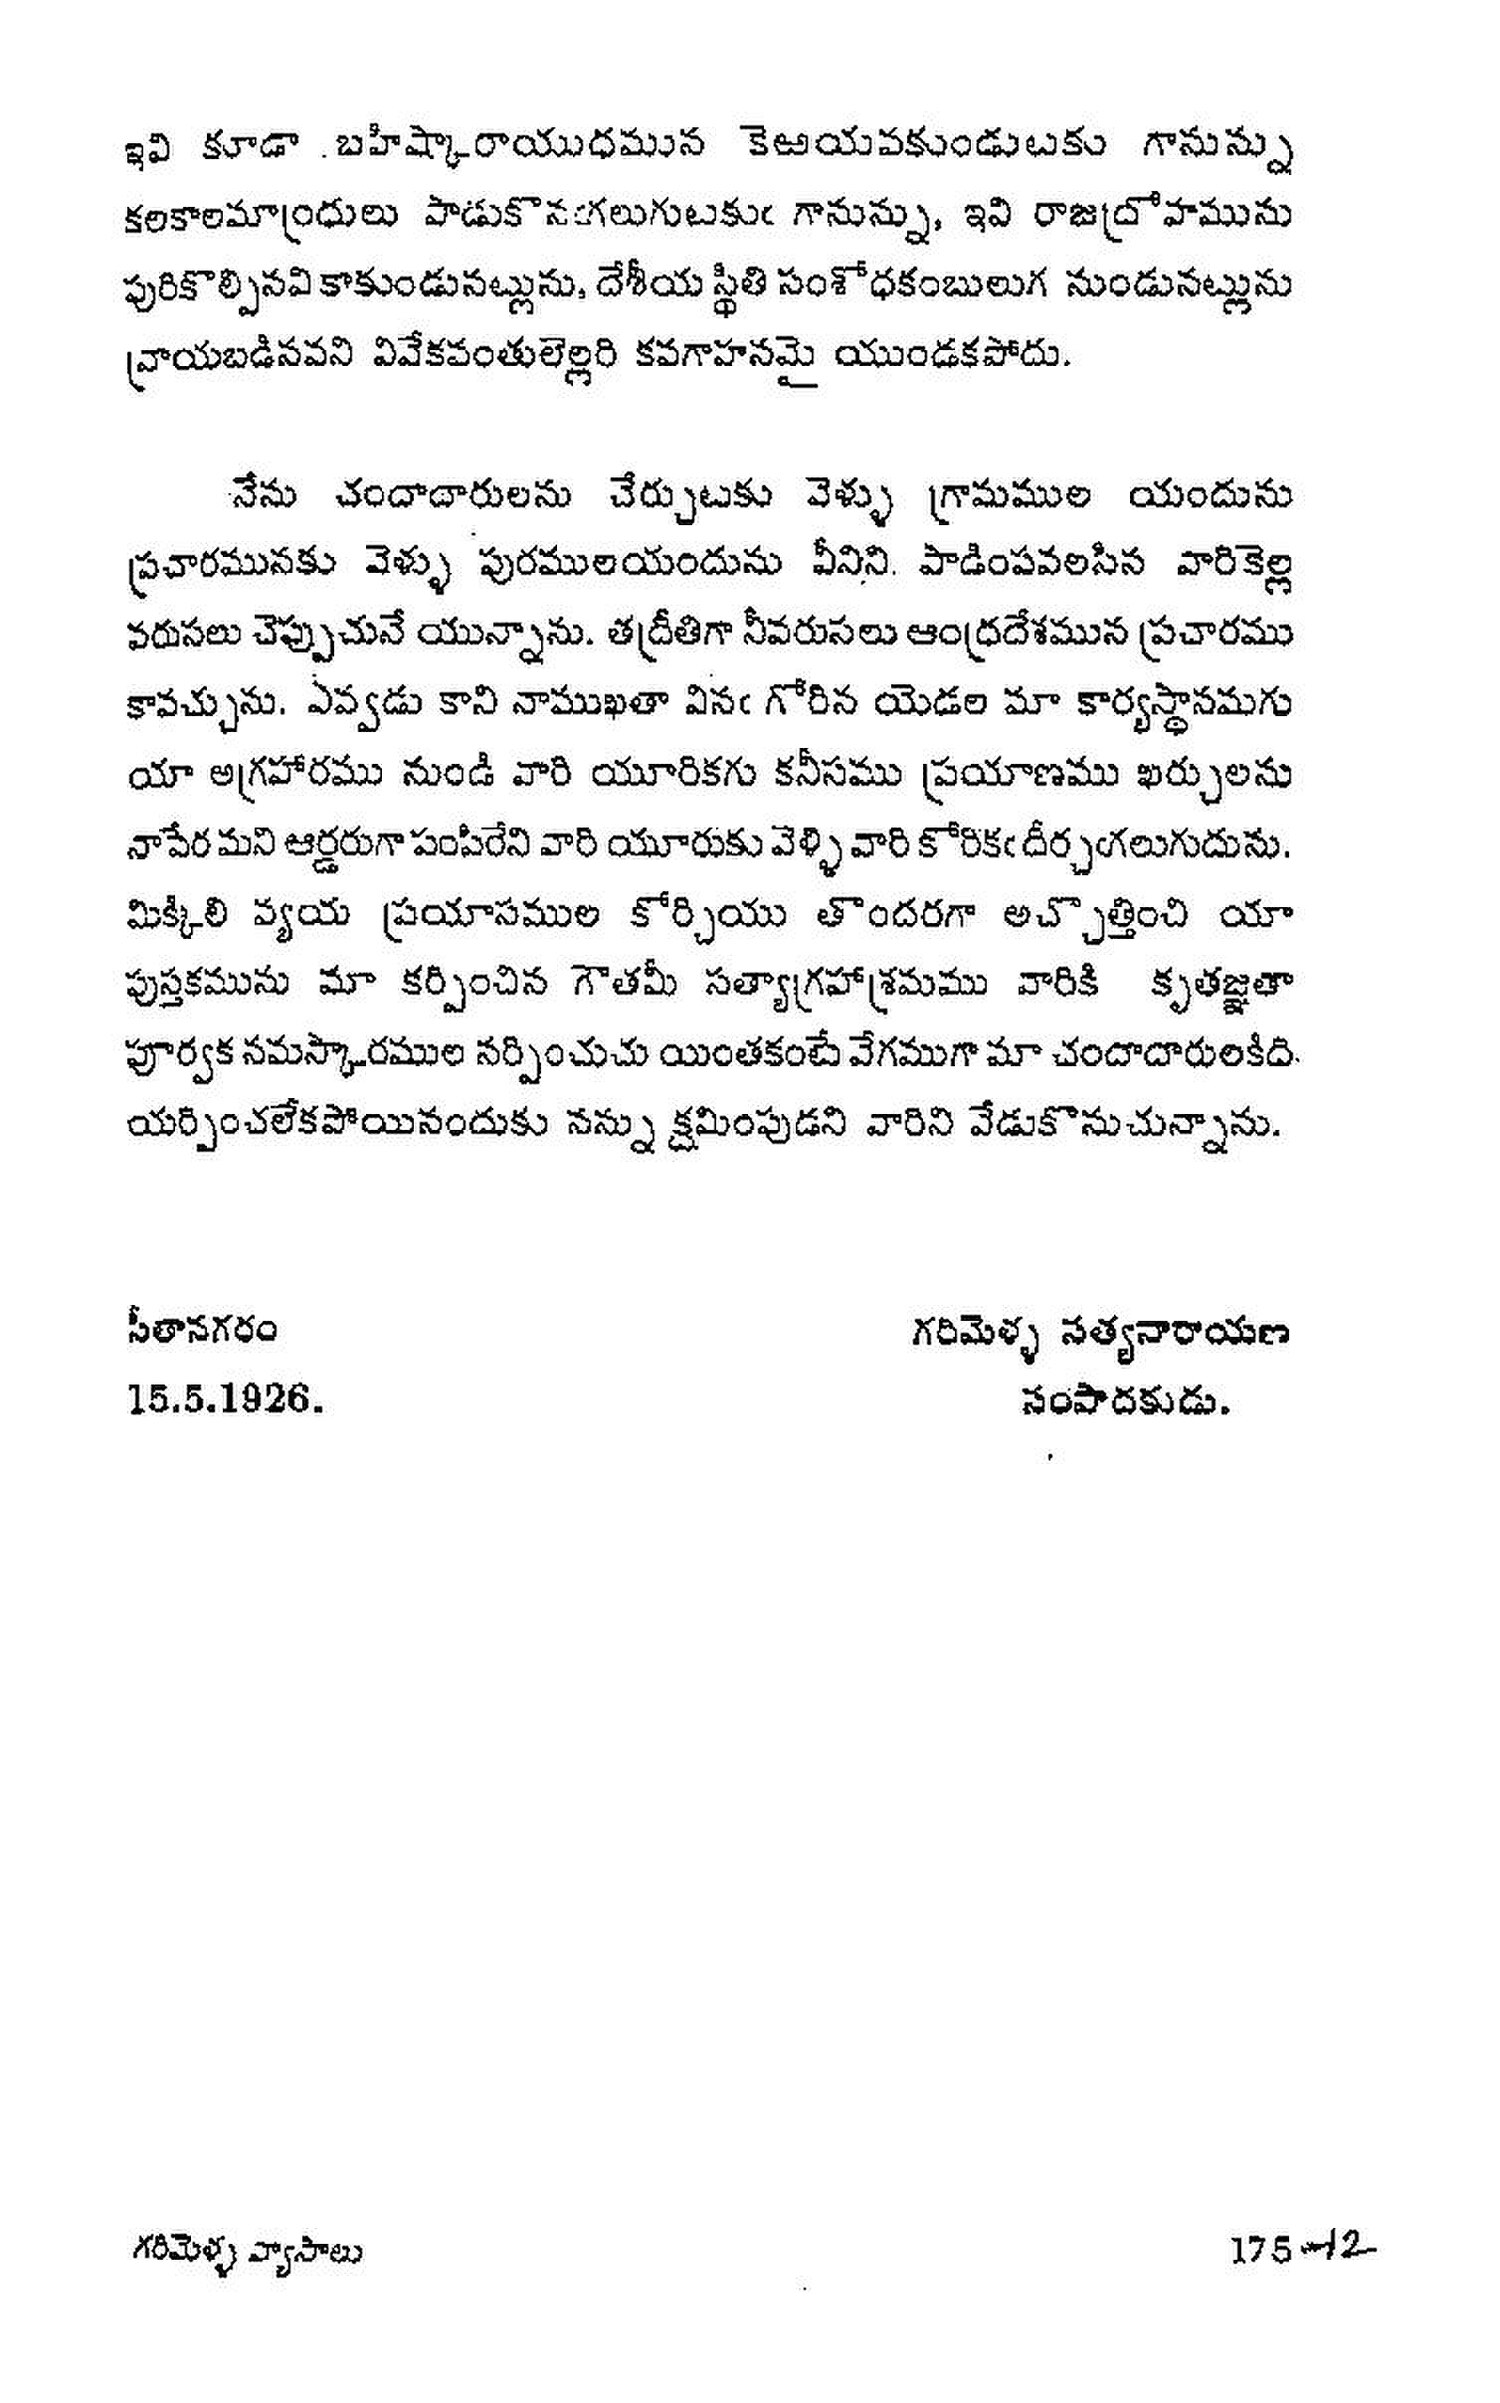ఇవి కూడా బహిష్కారాయుధమున కెఱయవకుండుటకు గానున్ను కలకాలమాంధ్రులు పాడుకొనఁగలుగుటకుఁ గానున్ను, ఇవి రాజద్రోహమును పురికొల్పినవి కాకుండునట్లును, దేశీయస్థితి సంశోధకంబులుగ నుండునట్లును వ్రాయబడినవని వివేకవంతులెల్లరి కవగాహనమై యుండకపోదు.

నేను చందాదారులను చేర్చుటకు వెళ్ళు గ్రామముల యందును ప్రచారమునకు వెళ్ళు పురములయందును వీనిని పాడింపవలసిన వారికెల్ల వరుసలు చెప్పుచునే యున్నాను. తద్రీతిగా నీవరుసలు ఆంధ్రదేశమున ప్రచారము కావచ్చును. ఎవ్వడు కాని నాముఖతా వినఁ గోరిన యెడల మా కార్యస్థానమగు యా అగ్రహారము నుండి వారి యూరికగు కనీసము ప్రయాణము ఖర్చులను నాపేర మని యార్డరుగాపంపిరేని వారి యూరుకువెళ్ళి వారికోరికఁదీర్చఁ గలుగుదును. మిక్కిలి వ్యయ ప్రయాసముల కోర్చియు తొందరగా అచ్చొత్తించి యా పుస్తకమును మా కర్పించిన గౌతమీ సత్యాగ్రహాశ్రమము వారికి కృతజ్ఞతాపూర్వకనమస్కారముల నర్పించుచున యింతకంటే వేగముగా మా చందాదారులకిది యర్పించలేకపోయినందుకు నన్ను క్షమింపుడని వారిని వేడుకొనుచున్నాను.